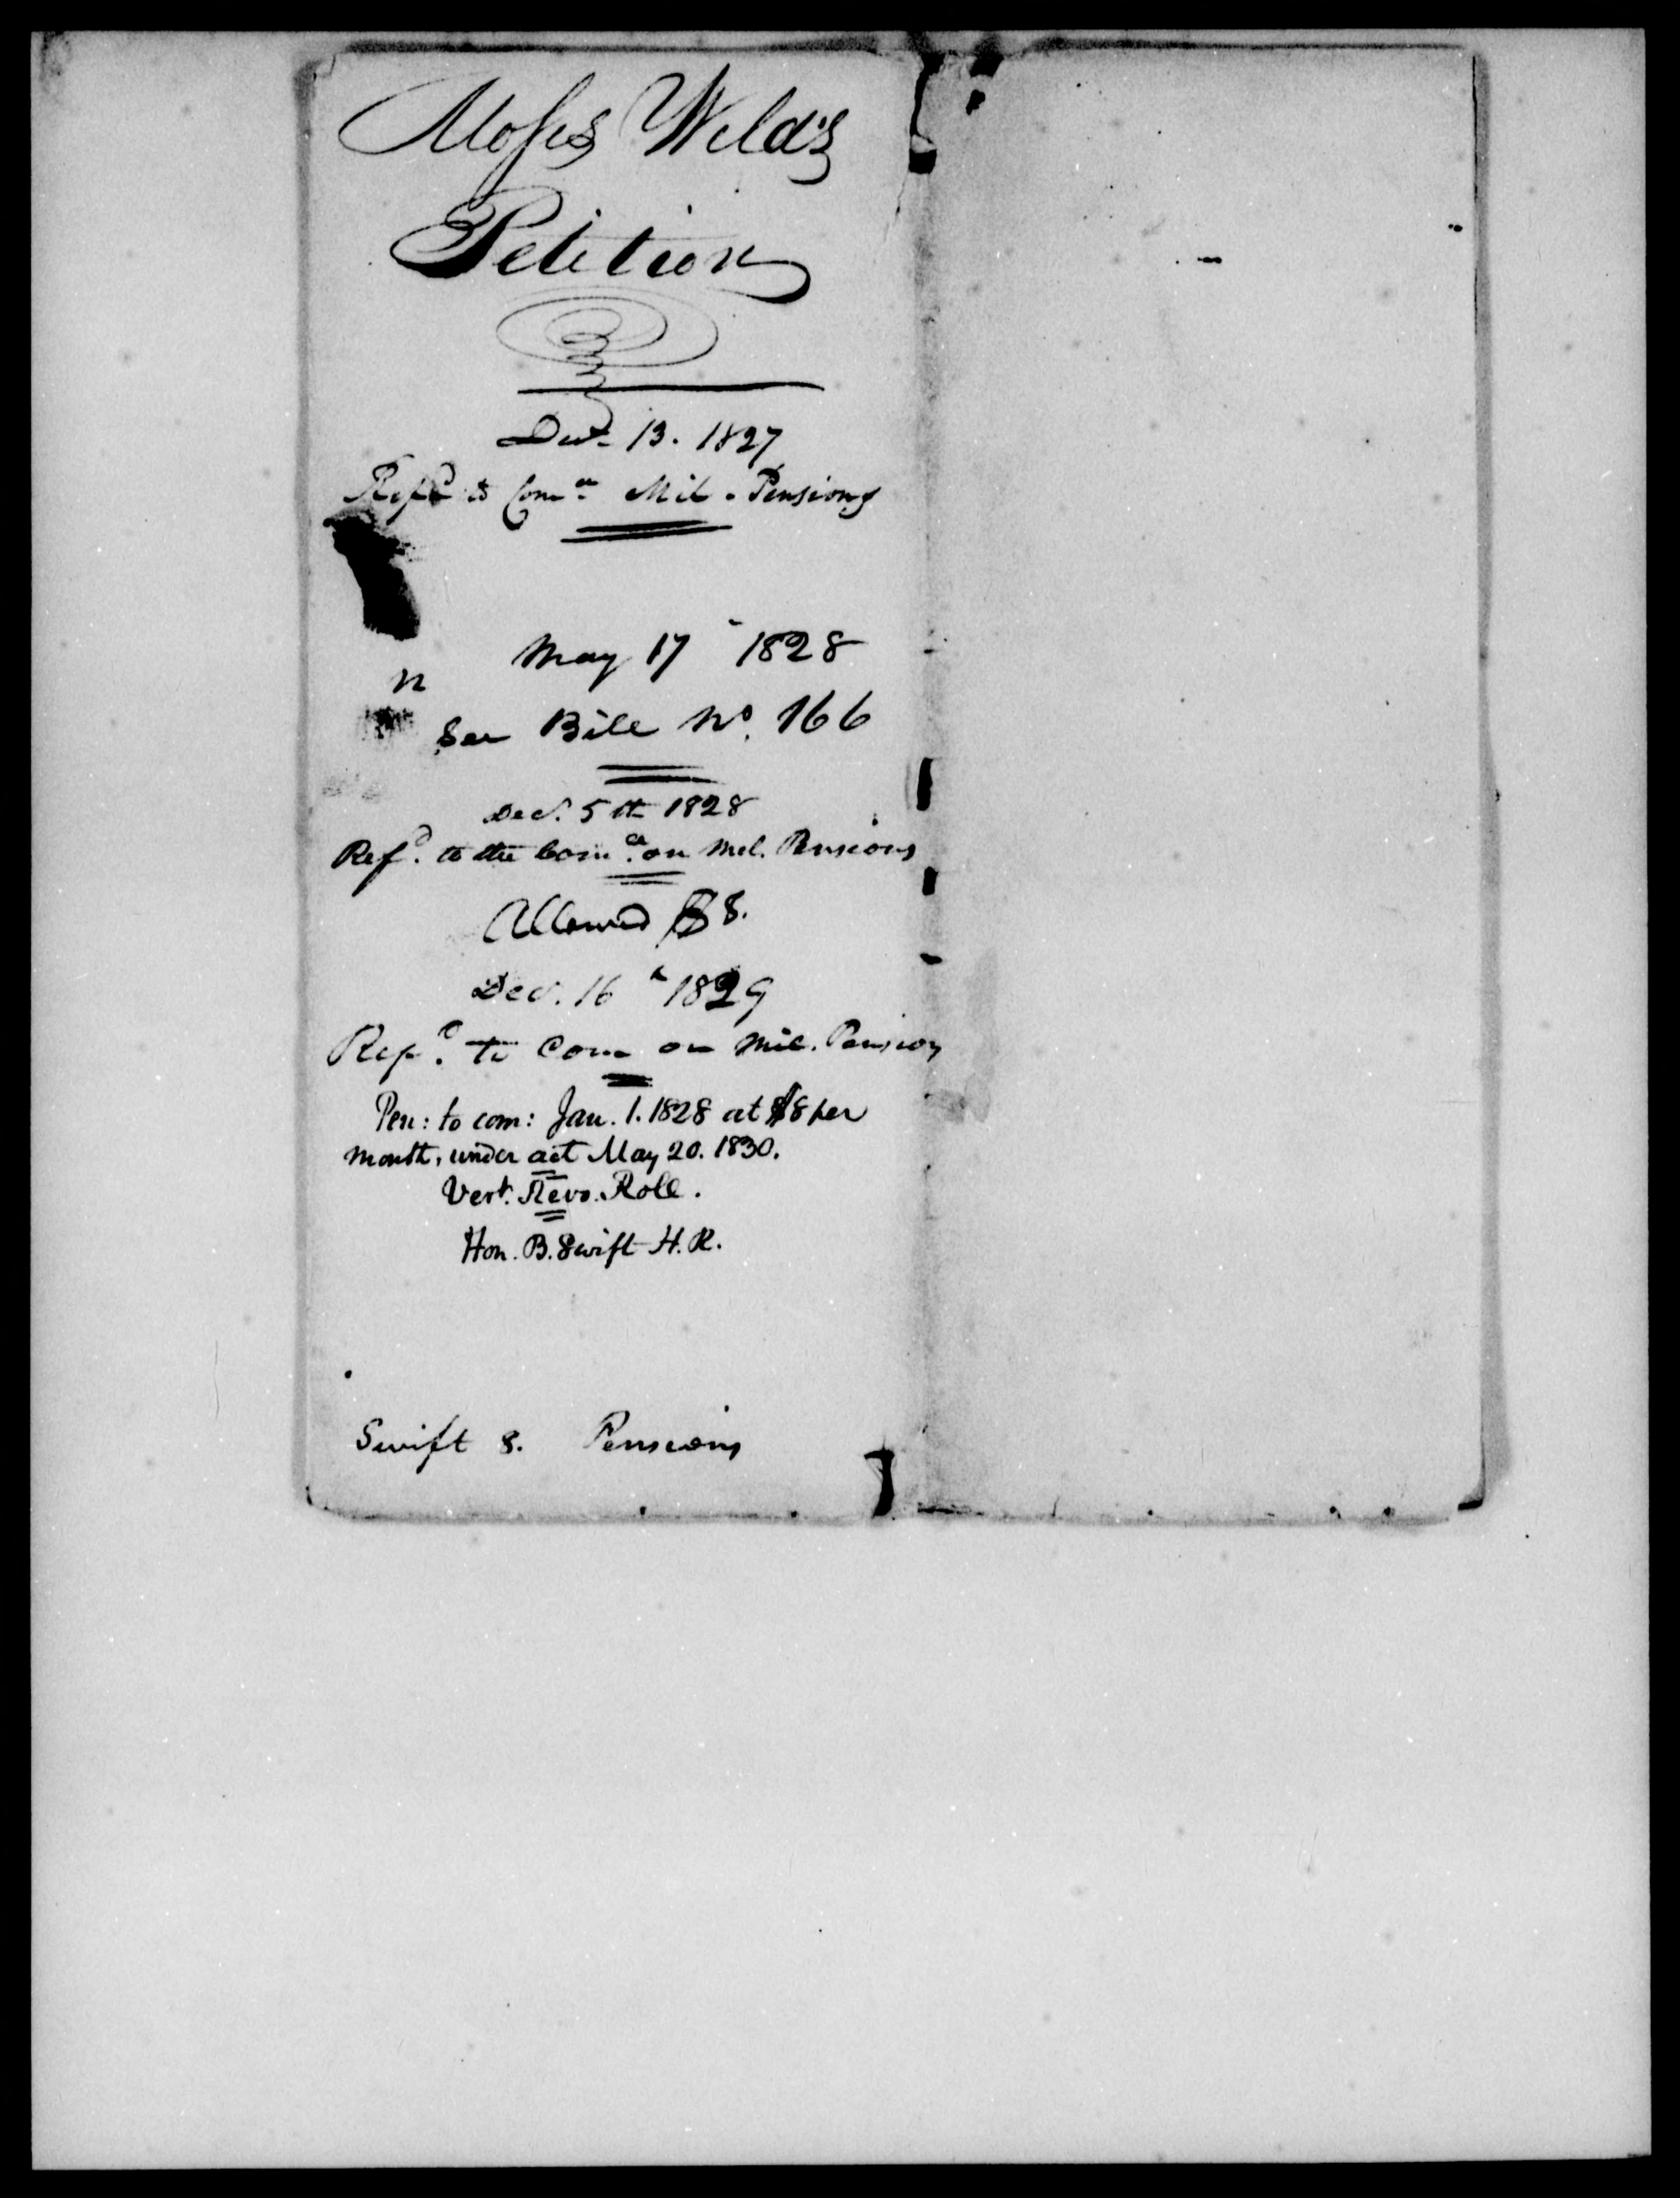Moses Weld's
Petition
--
Dec 13. 1827
Refs to Com Mil. Pensions
n
May 17 1828
See Bill No. 166
-
Decr 5th 1828
Refd to the born on Mil Pensions
---
Allowed $8
Dec. 16th 1829
Refd to com on Mil. Pension
Pen: to com: Jan. 1. 1828 at $8 per
month, under act May 20, 1830.
Vert Revo. Roll.
Hon. B. Swift H.R.
Swift  8. Pensions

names: Moses Weld, B Swift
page: 74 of 87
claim: widow's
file: W. 25,966, Moses Weld, Mass.